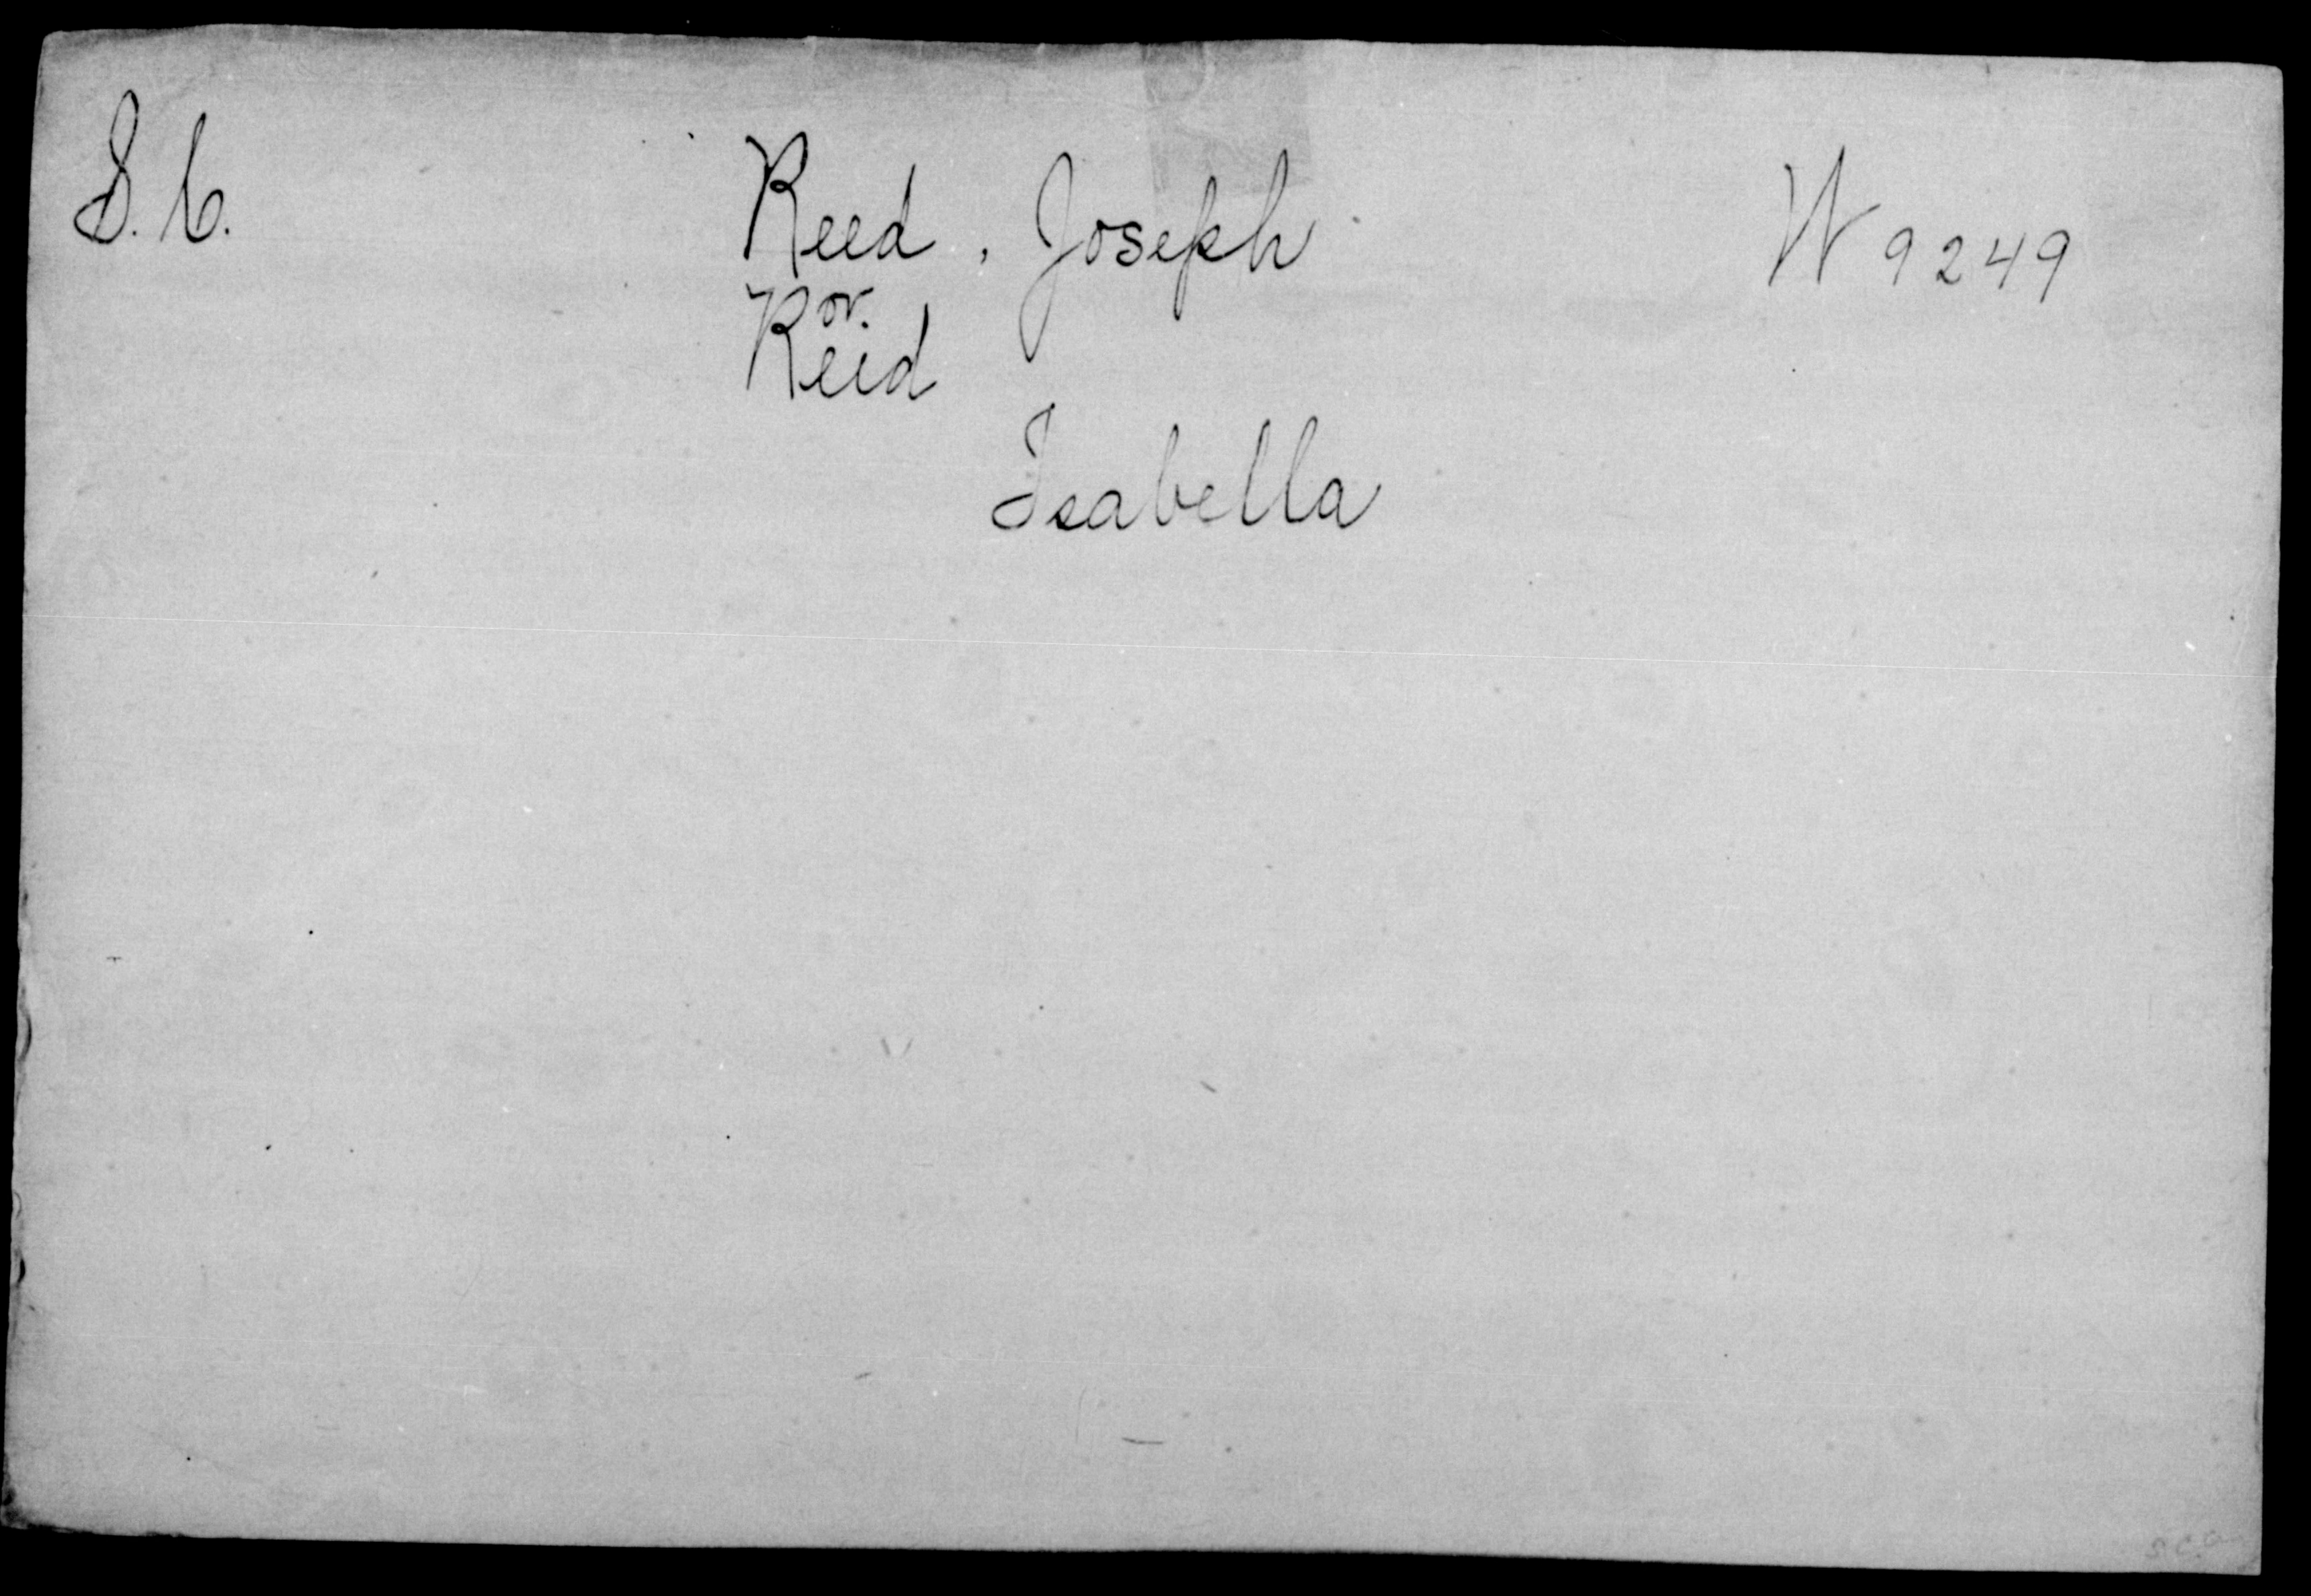S.C.
Reed. Joseph  W9249
or
Reid
Isabella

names: Joseph Reid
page: 1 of 1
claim: widow's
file: W 9249, for Joseph Reed, South Carolina